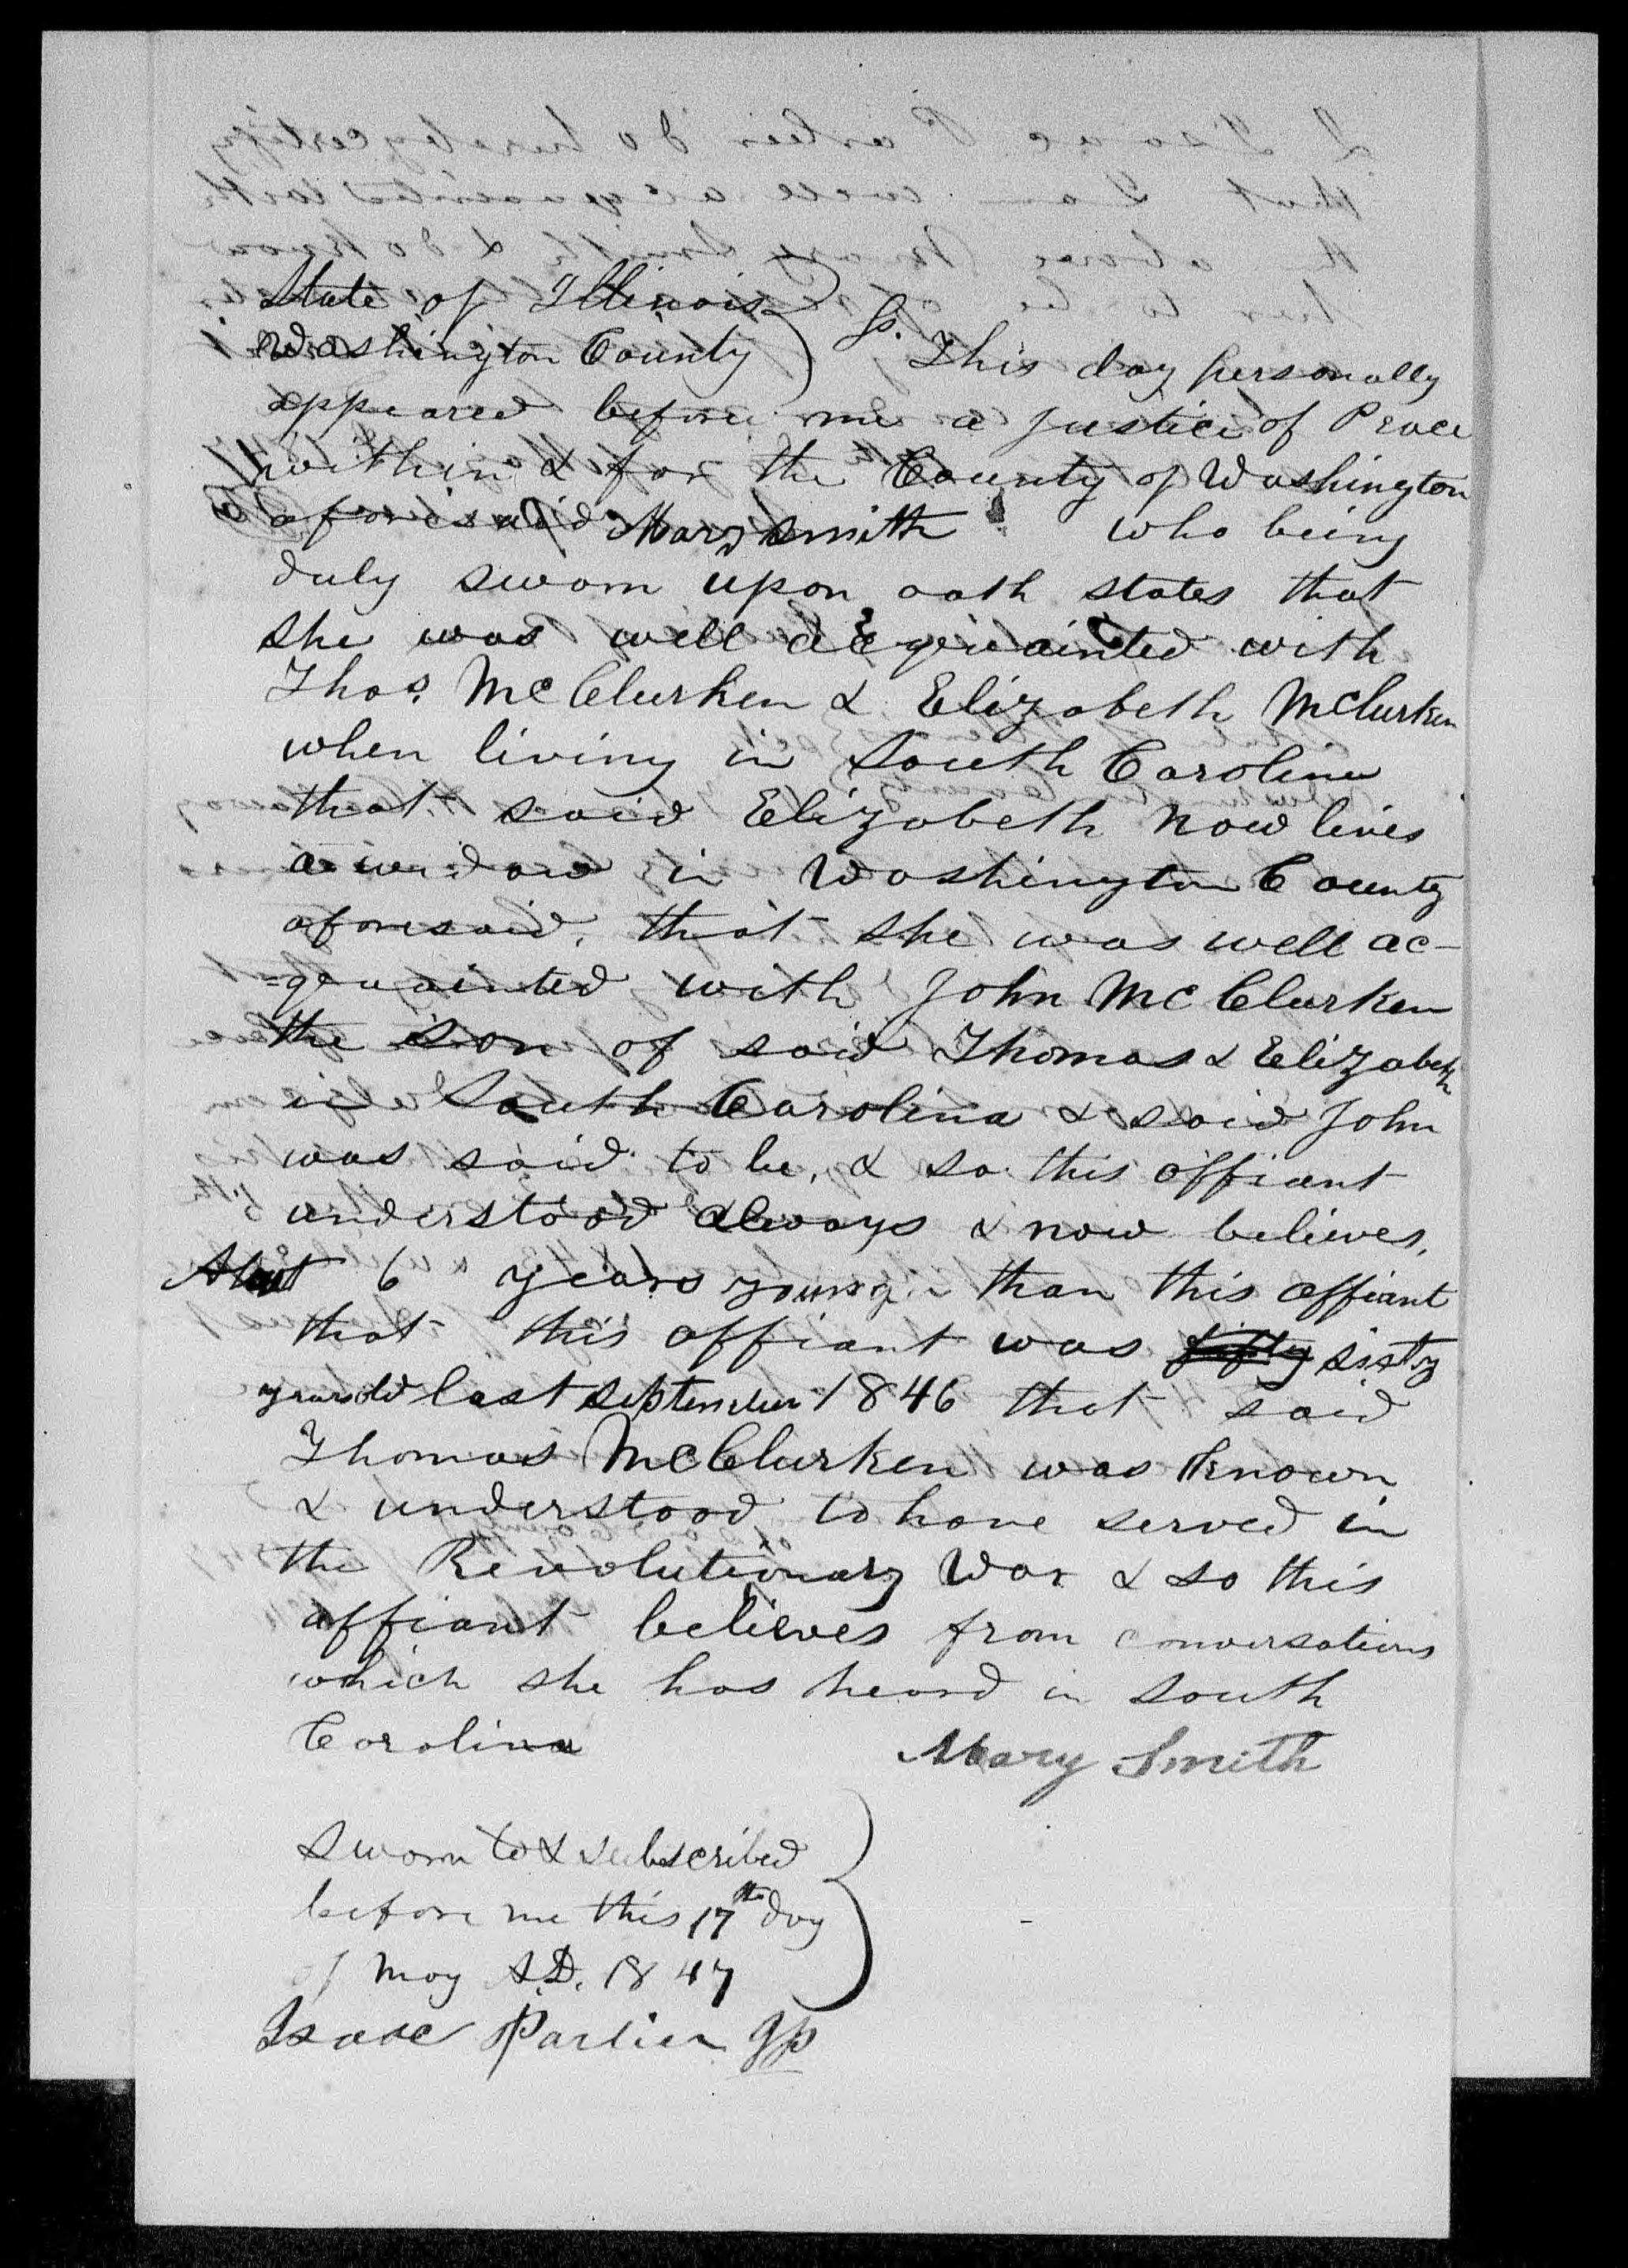State Illinois} ss 
Washington County}
This day personally 
appeared before me a Justice of Peace  within &  for the County of Washington aforesaid Mary Smith who being duly sworn upon oath states that she was well acquainted with Thos McClurken & Elizabeth McClurker when living in South Carolina 
that said Elizabeth now lives widow in Washington County aforesaid, that she was well acquainted with John McClurken the Son of said Thomas & Elizabeth in South Carolina & said John was said to be, & so this affiant understood always & now believes that 6 years that this younger than this affiant 
That this affiant was sixty years old last September 1846 that said
 Thomas McClurken was known 
I understood to have served in the Revolutionary war & so this 
affiant believes from conversations 
which she has heard in South Carolina  
Mary Smith 

Sworn to & subscribed} 
before me this 17th day} 
of May A.D. 1847}

Isaac Parlier J.P.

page: 59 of 93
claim: widow's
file: W. 21792, for Thomas Mc Clurken, South Carolina